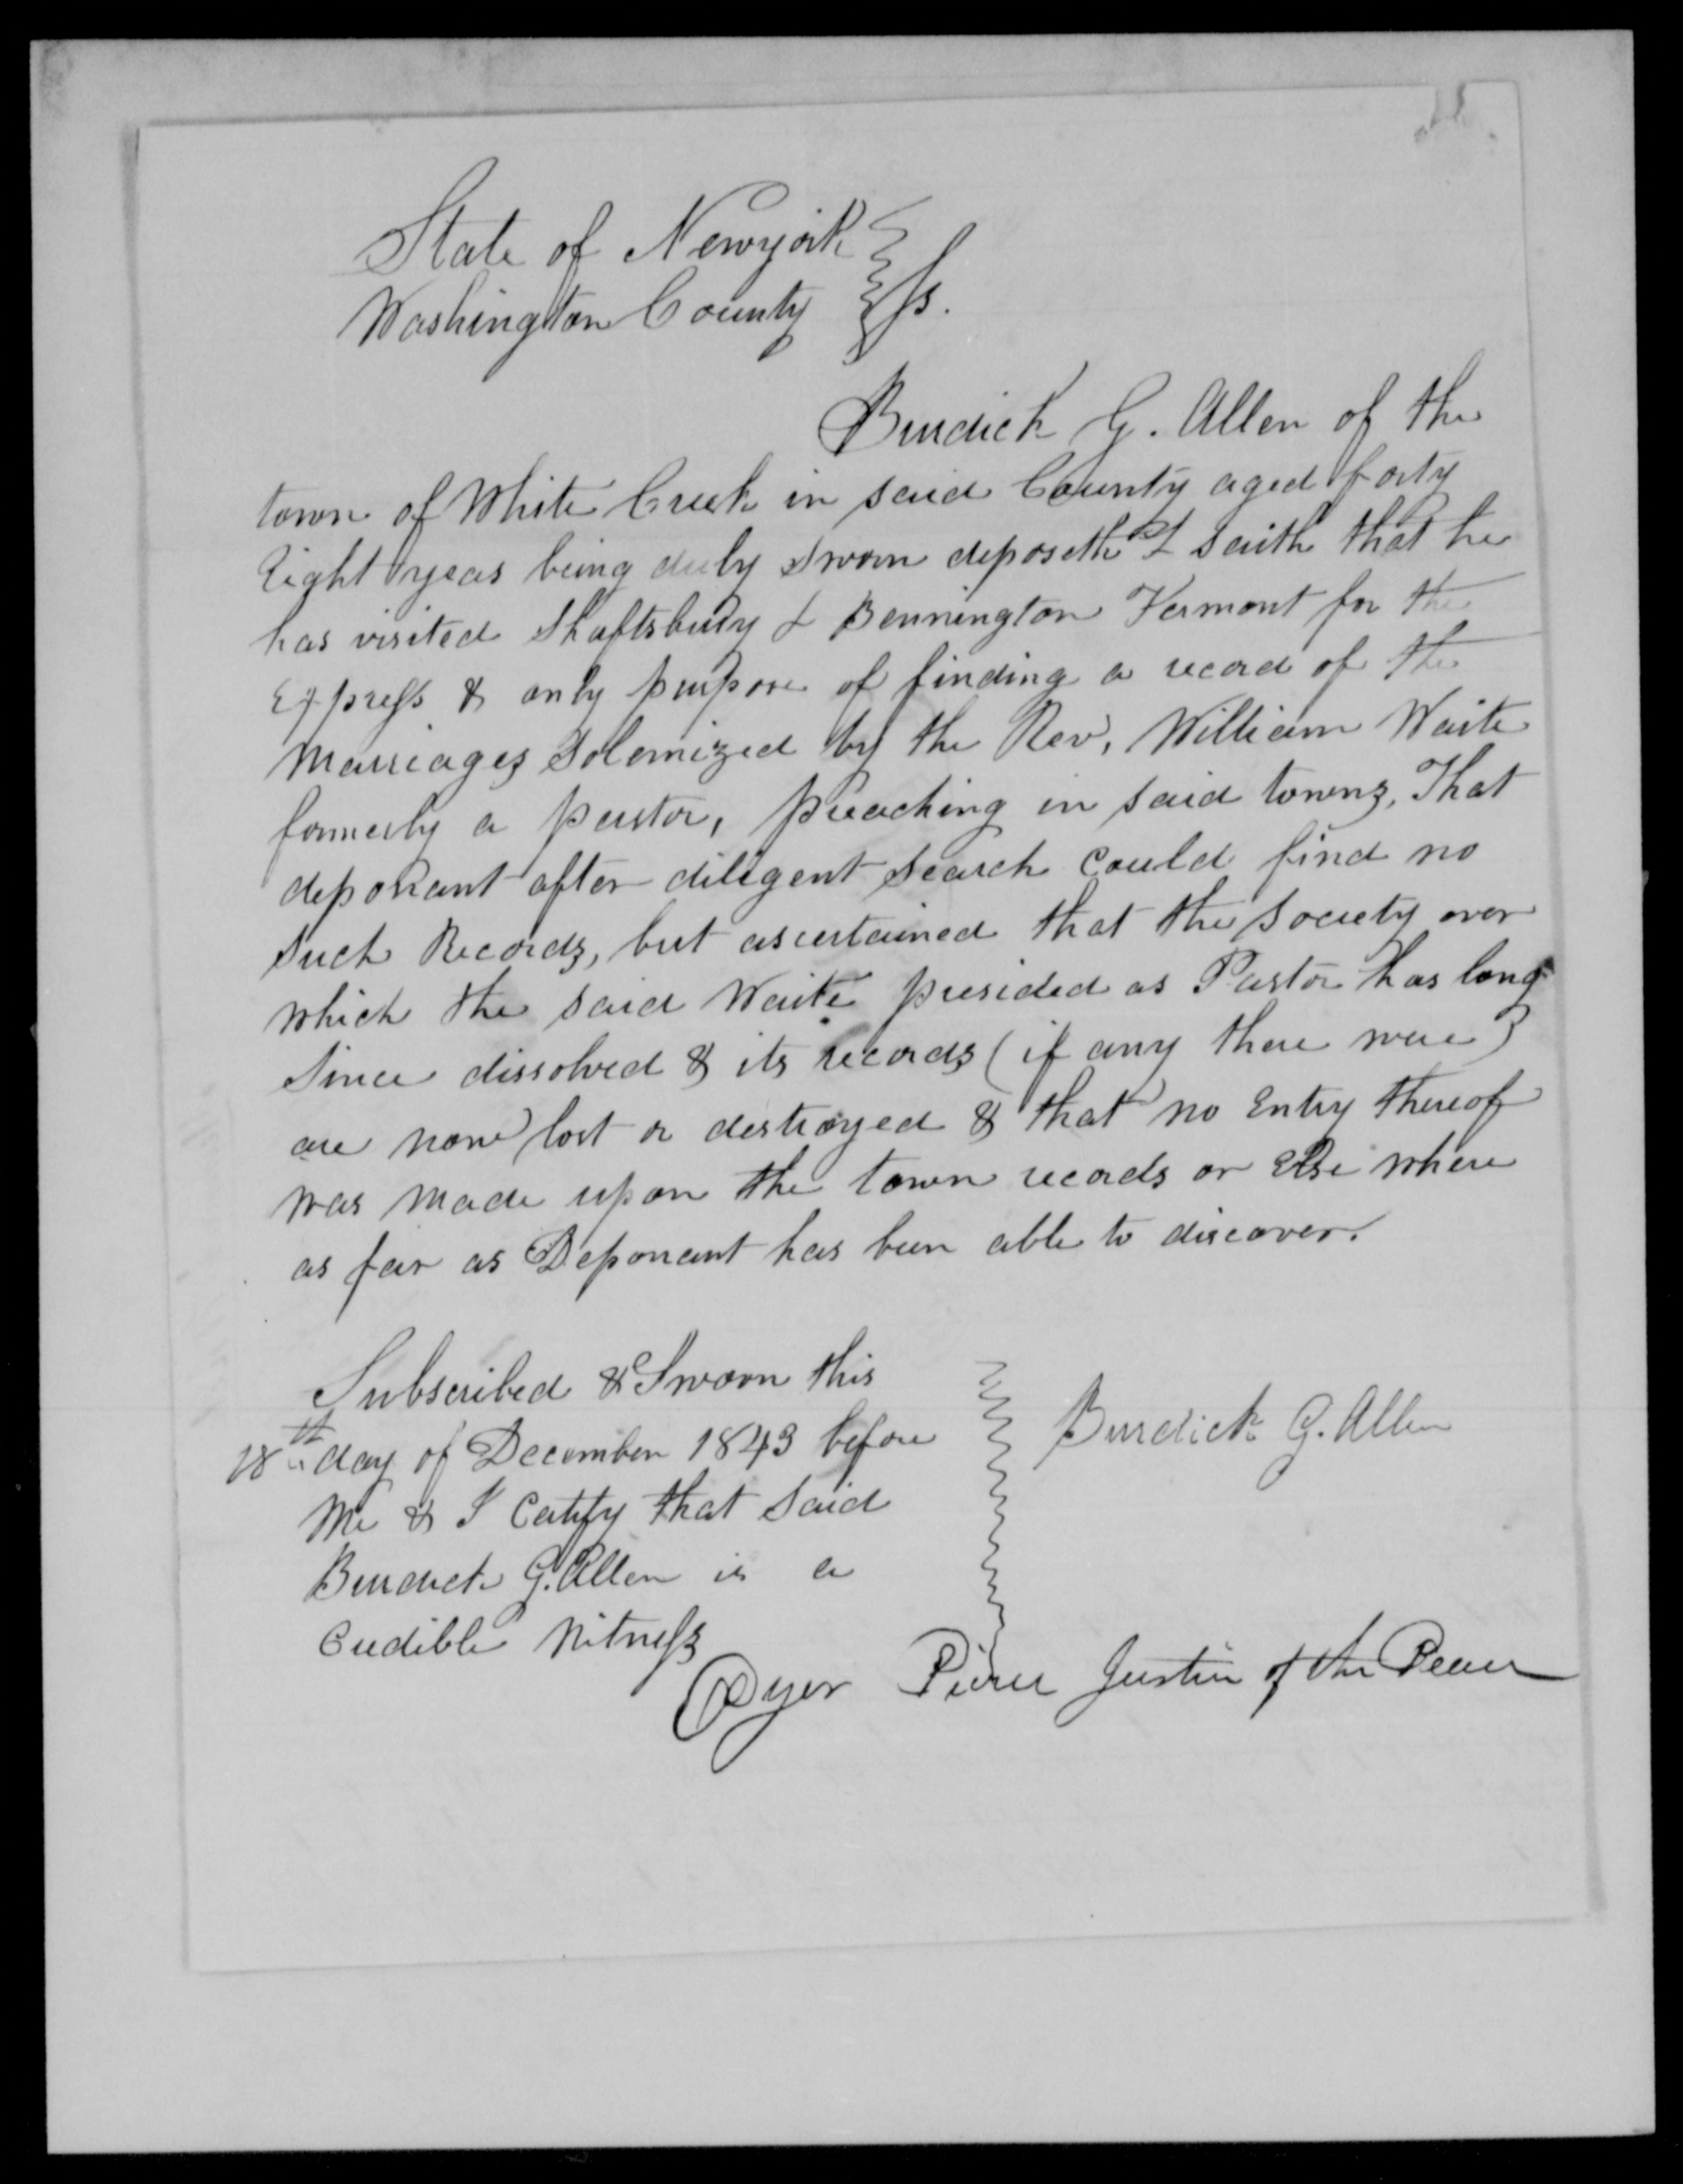State of New York}
Washington County} ss.

Burdick G. Allen of this town of White Creek in said County aged forty eight years being duly sworn deposeth & saith that he has visited Shaftsbury & Bennington Vermont for this express & only purpose of finding a record of the Marriages Solemnized by the Rev. William Waite formerly a pastor, preaching in said towns, That deponent after diligent search could find no such records, but ascertained that the Society over which the said Waite presided as Pastor has long since dissolved & its records (if any there were) are now lost or destroyed & that no entry thereof has made upon the town records or elsewhere as far as Deponent has been able to discover.

Burdick G. Allen

Subscribed & Sworn this 18th day ofDecember 1843 before me & I certify that said Burdick G. Allen is a credible witness.}

Dyer Pierce Justin of the Peace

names: Dyer Pierce, Burdick G Allen, William Waite, Waite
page: 45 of 63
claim: widow's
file: W. 18403, David White, Conn.